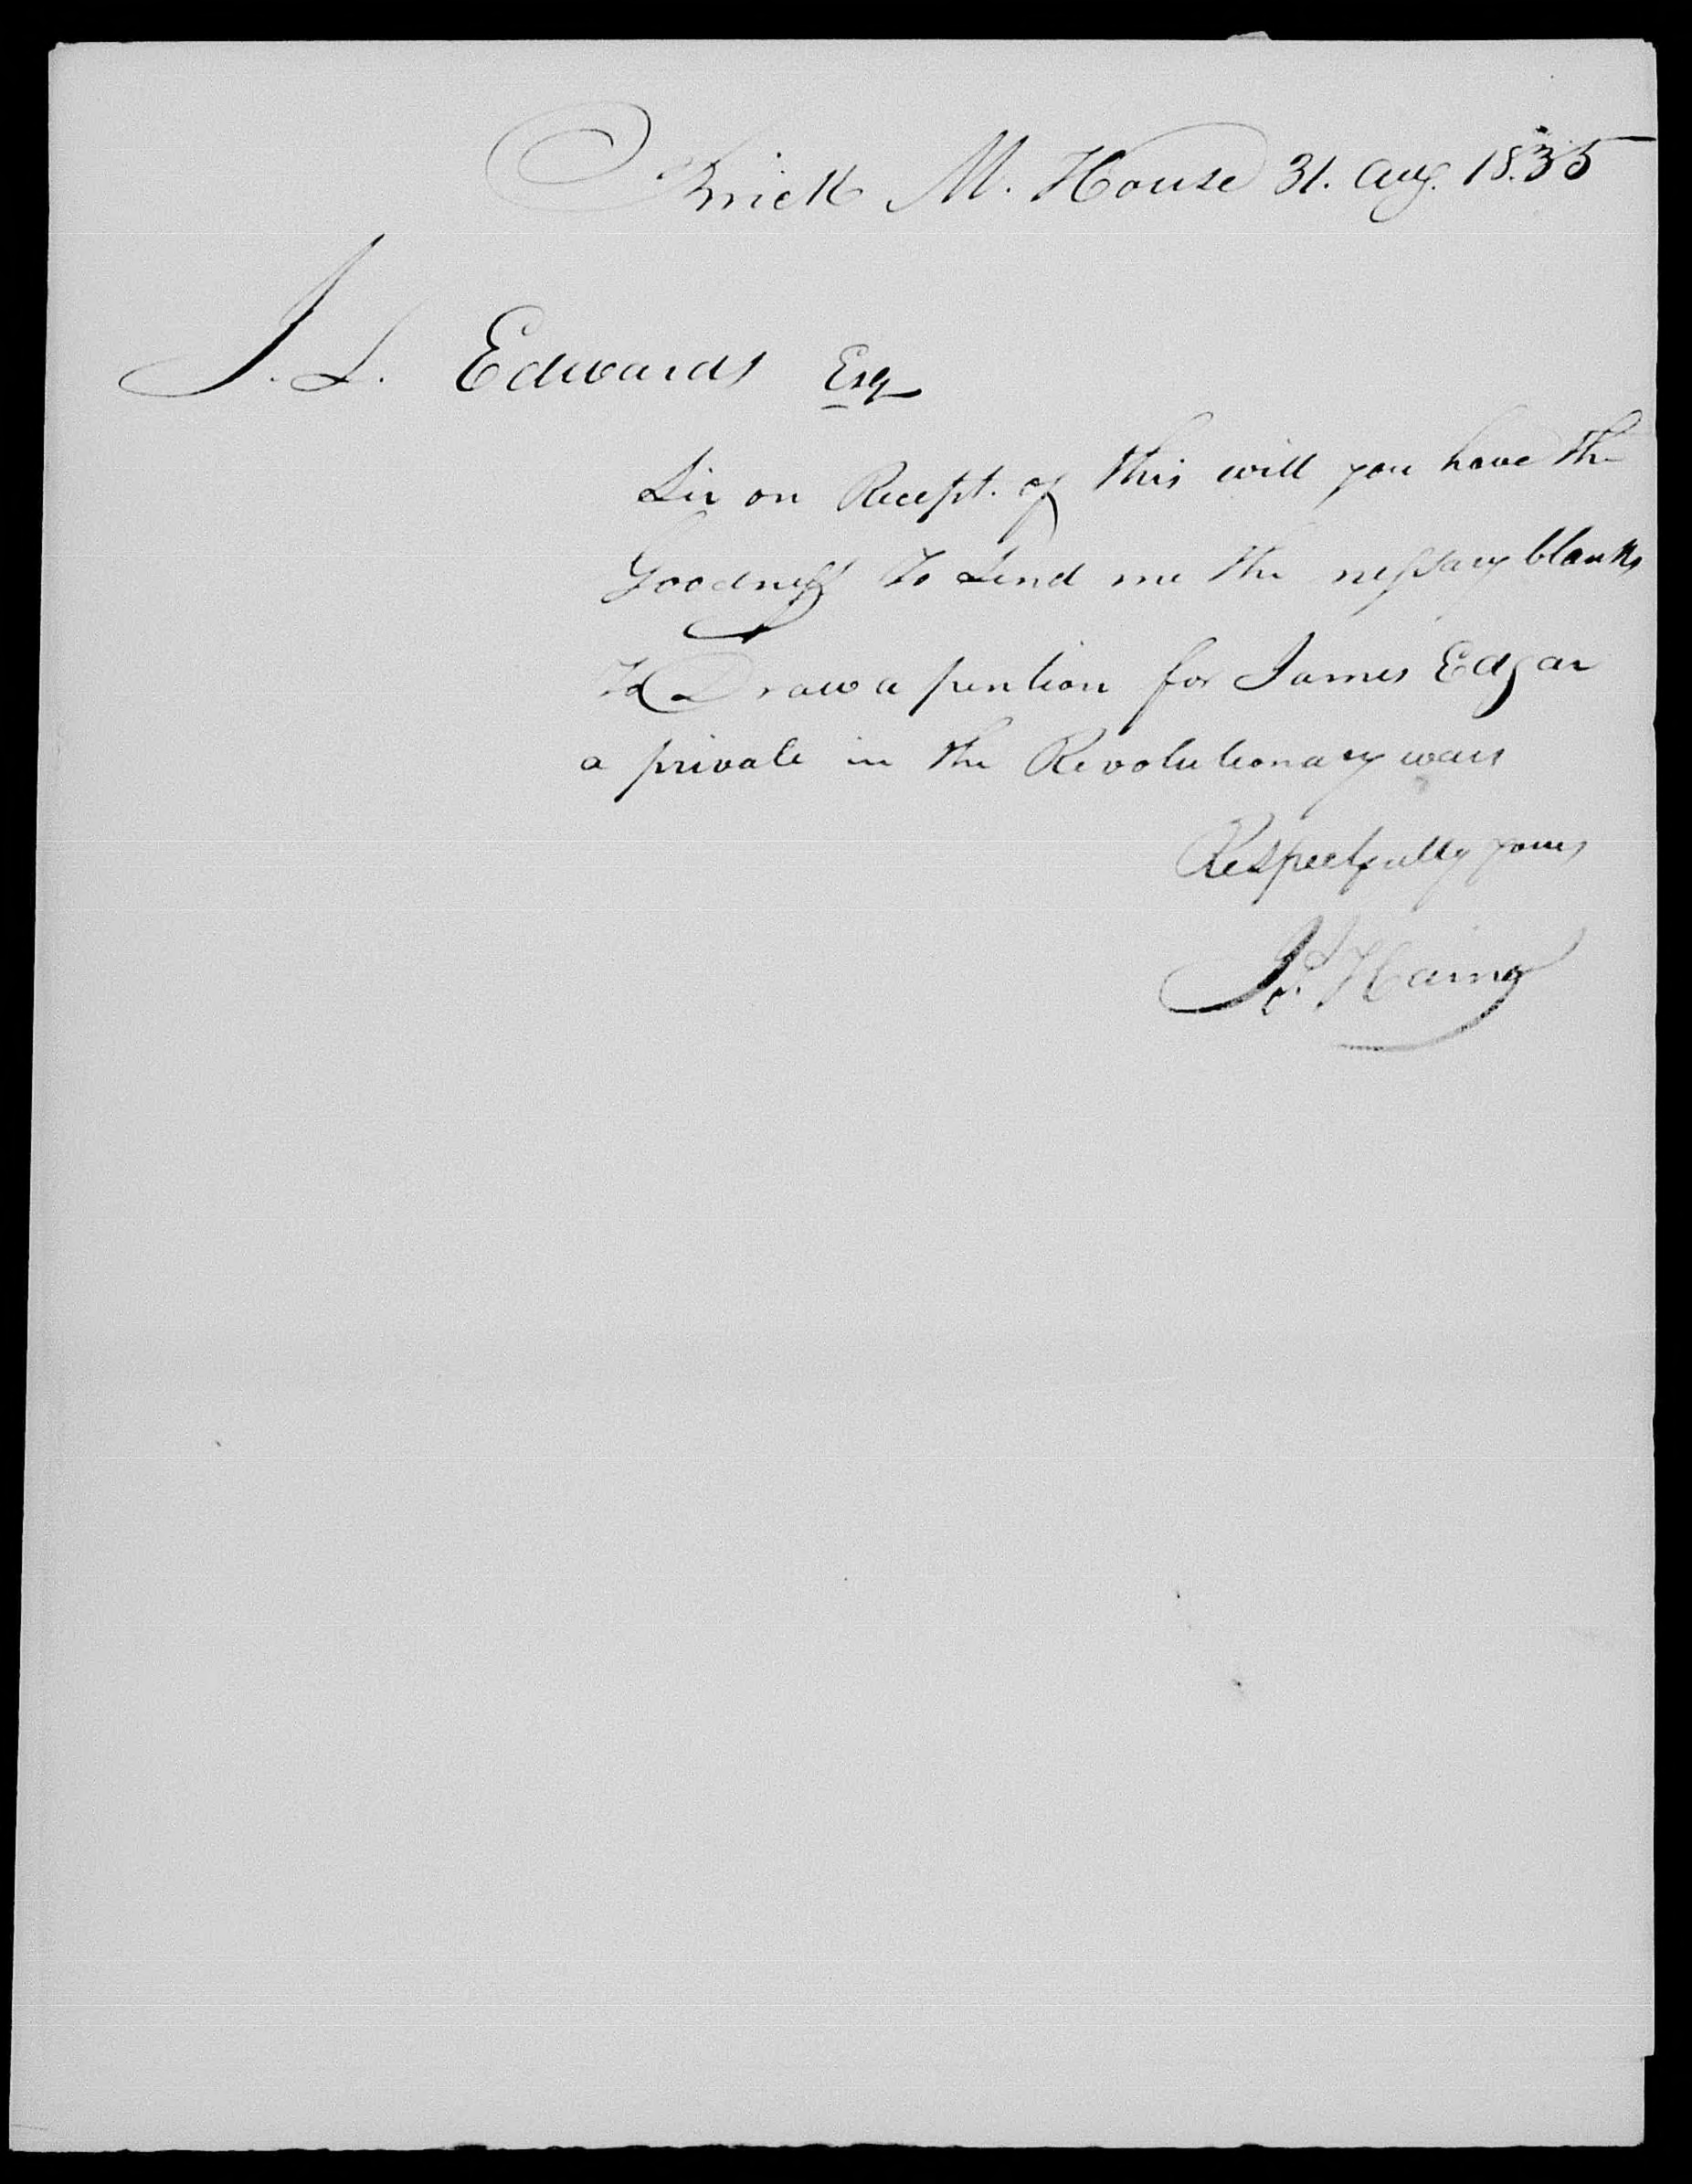Brick M. House 31. Aug. 1835
J.L. Edwards Esq

Sir On Receipt of this will you have the
Goodness to send me the necessary blanks
to draw a pension for James Edgar
a private in the Revolutionary wars
Respectfully yours
Jos Haines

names: James Edgar, Jos Haines, J L Edwards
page: 65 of 74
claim: widow's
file: W. 9422, James Edgar, Penn.